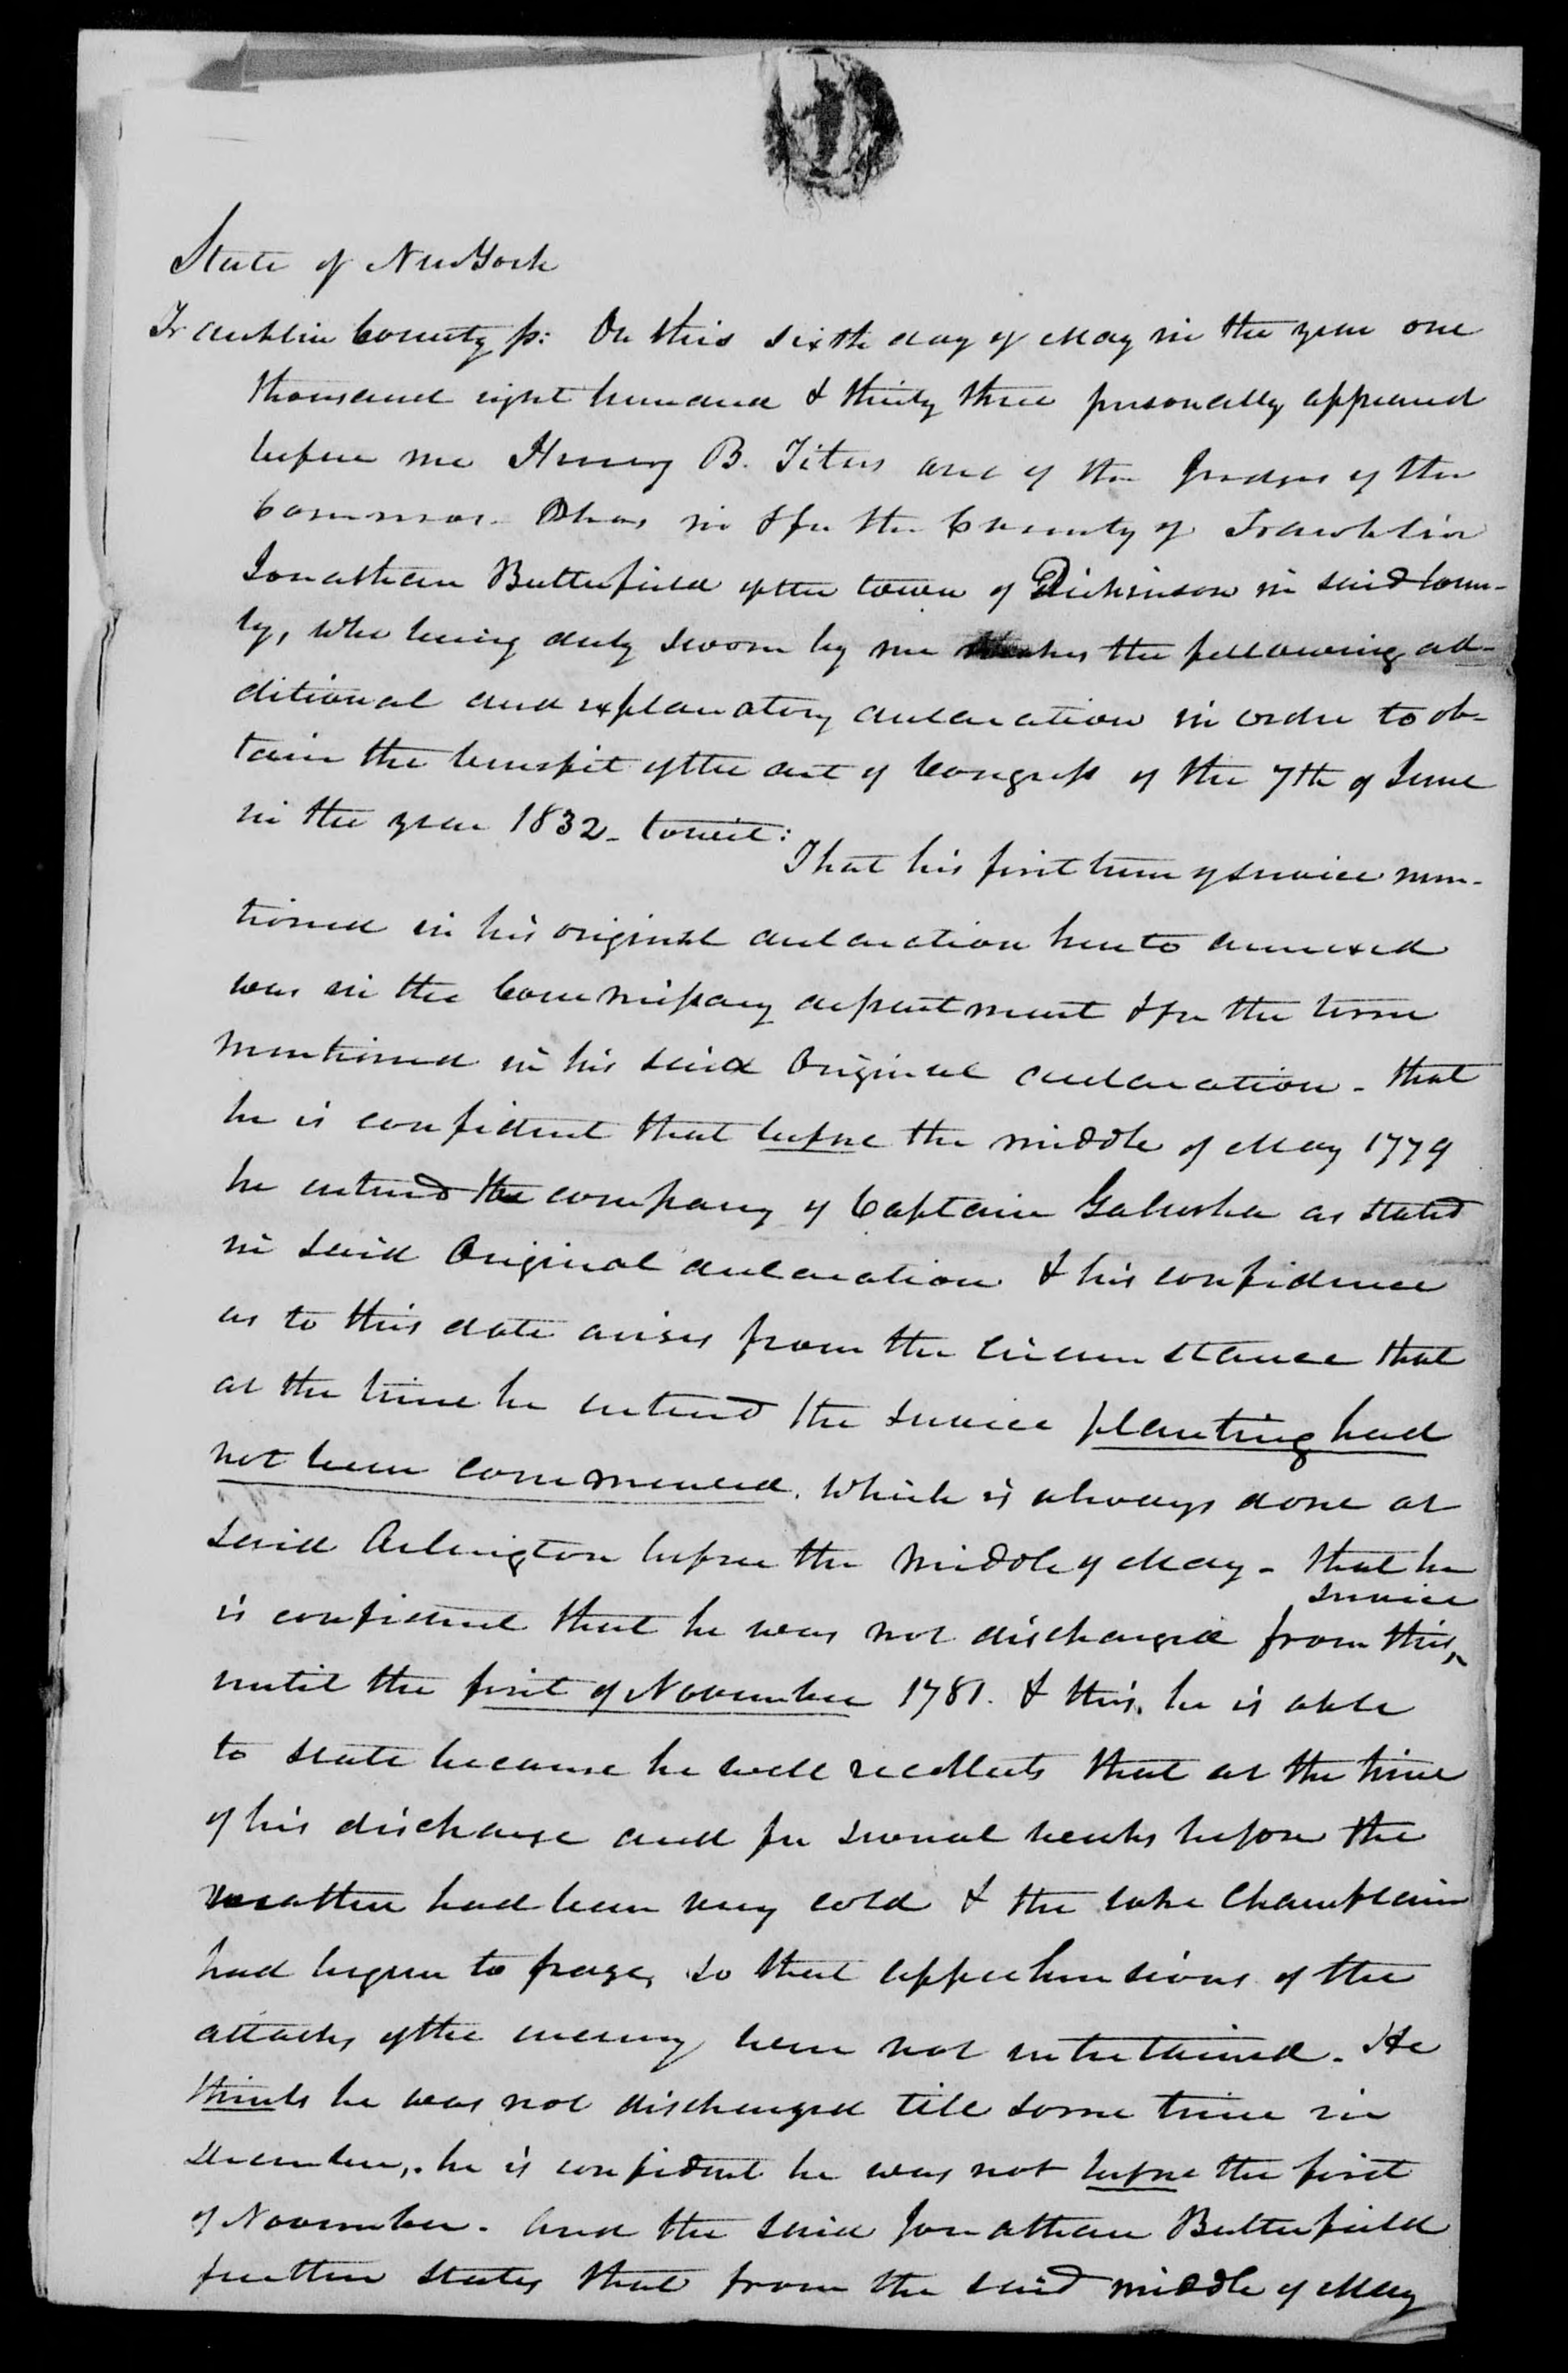State of New York
Franklin County ss: 
On this sixth day of May in the year one
thousand eight hundred & thirty three personally appeared before me Henry B. Titus one of the Judges of the Common has in & for the County of Franklin, Jonathan Butterfield of the town of Dickinson in said County, who being duly sworn by me adds this the following additional and explanatory declaration in order to obtain the benefit of the act of Congress of the 7th of June
in the year 1832, towit: That his first term of service mentioned in his original declaration hereto annexed was in the Commissary department & for the term mentioned in his said Original declaration, that he is confident that before the middle of May 1779 he entered the company of Captain Galusha as stated in said Original declaration & his confidence as to this date arises from the circumstance that
at the time he entered the service planting had
not commenced, which is always done or in
said Arlington before the middle of May- that he
is confident that he was not discharged from this
until the first of November 1781 & this he is able
to state because he well recollects that at the time of his discharge and for service happened before the weather had been very cold & the lake Champlain had begun to freeze so that apprehensions of the attacks of the enemy were not entertained. He thinks he was not discharged till some time in Deccember, he is confident he was not before the first of November. And the said Jonathan Butterfield further states that from the said middle of May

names: Galusha, Jonathan Butterfield, Jonathan Butterfield, Henry B Titus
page: 7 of 40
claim: rejected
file: R. 1558, Jonathan Butterfield, Mass. Vt.